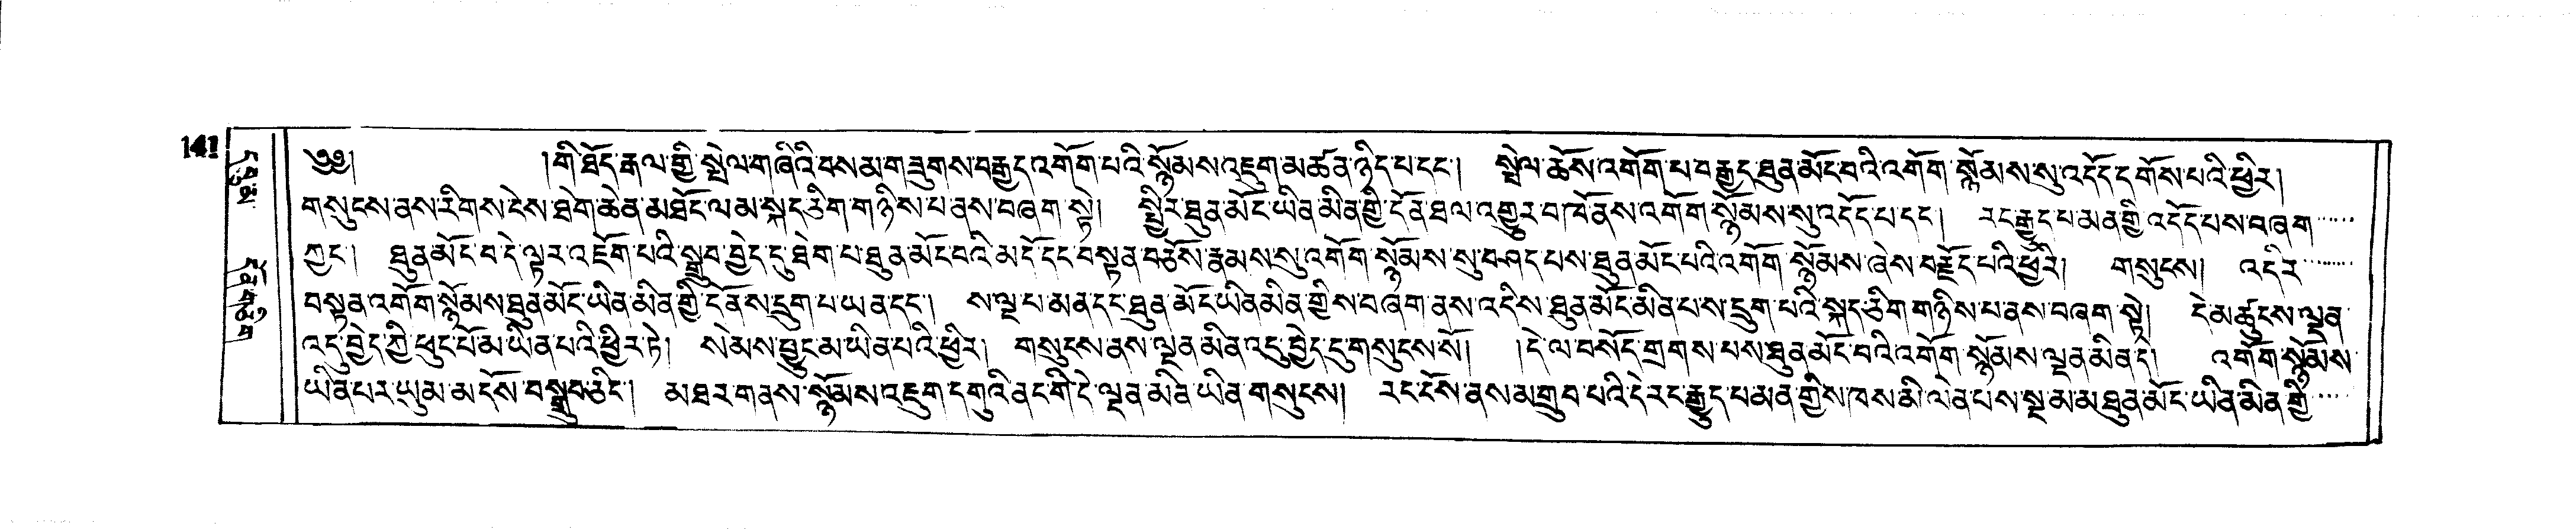༄༅། །གི་ཐོད་རྒལ་གྱི་སྤེལ་གཞིའི་བསམ་གཟུགས་བརྒྱད་འགོག་པའི་སྙོམས་འཇུག་མཚན་ཉིད་པ་དང་། སྤེལ་ཆོས་འགོག་པ་བརྒྱད་ཐུན་མོང་བའི་འགོག་སྙོམས་སུ་འདོད་དགོས་པའི་ཕྱིར།
གསུངས་ནས་རིགས་ངེས་ཐེག་ཆེན་མཐོང་ལམ་སྐད་ཅིག་གཉིས་པ་ནས་བཞག་སྟེ། སྤྱིར་ཐུན་མོང་ཡིན་མིན་གྱི་དོན་ཐལ་འགྱུར་བ་ཁོ་ནས་འགོག་སྙོམས་སུ་འདོད་པ་དང་། རང་རྒྱུད་པ་མན་གྱི་འདོད་པས་བཞག་
ཀྱང་། ཐུན་མོང་བ་དེ་ལྟར་འཇོག་པའི་སྒྲུབ་བྱེད་དུ་ཐེག་པ་ཐུན་མོང་བའི་མདོ་དང་བསྟན་བཅོས་རྣམས་སུ་འགོག་སྙོམས་སུ་བཤད་པས་ཐུན་མོང་པའི་འགོག་སྙོམས་ཞེས་བརྗོད་པའི་ཕྱིར། གསུངས། འདིར་
བསྟན་འགོག་སྙོམས་ཐུན་མོང་ཡིན་མིན་གྱི་དོན་ས་དྲུག་པ་ཡན་དང་། ས་ལྔ་པ་མན་དང་ཐུན་མོང་ཡིན་མིན་གྱིས་བཞག་ནས་འདིས་ཐུན་མོང་མིན་པ་ས་དྲུག་པའི་སྐད་ཅིག་གཉིས་པ་ནས་བཞག་སྟེ། དེ་མཚུངས་ལྡན་
འདུ་བྱེད་ཀྱི་ཕུང་པོ་མ་ཡིན་པའི་ཕྱིར་ཏེ། སེམས་བྱུང་མ་ཡིན་པའི་ཕྱིར། གསུངས་ནས་ལྡན་མིན་འདུ་བྱེད་དུ་གསུངས་སོ། །དེ་ལ་བསོད་གྲགས་པས་ཐུན་མོང་བའི་འགོག་སྙོམས་ལྡན་མིན་དེ། འགོག་སྙོམས་
ཡིན་པར་ཡུམ་མདོས་བསྒྲུབ་ཅིང་། མཐར་གནས་སྙོམས་འཇུག་དགུའི་ནང་གི་དེ་ལྡན་མིན་ཡིན་གསུངས། རང་ངོས་ནས་མ་གྲུབ་པའི་དེ་རང་རྒྱུད་པ་མན་གྱིས་ཁས་མི་ལེན་པས་སྔ་མ་མཐུན་མོང་ཡིན་མིན་གྱི་